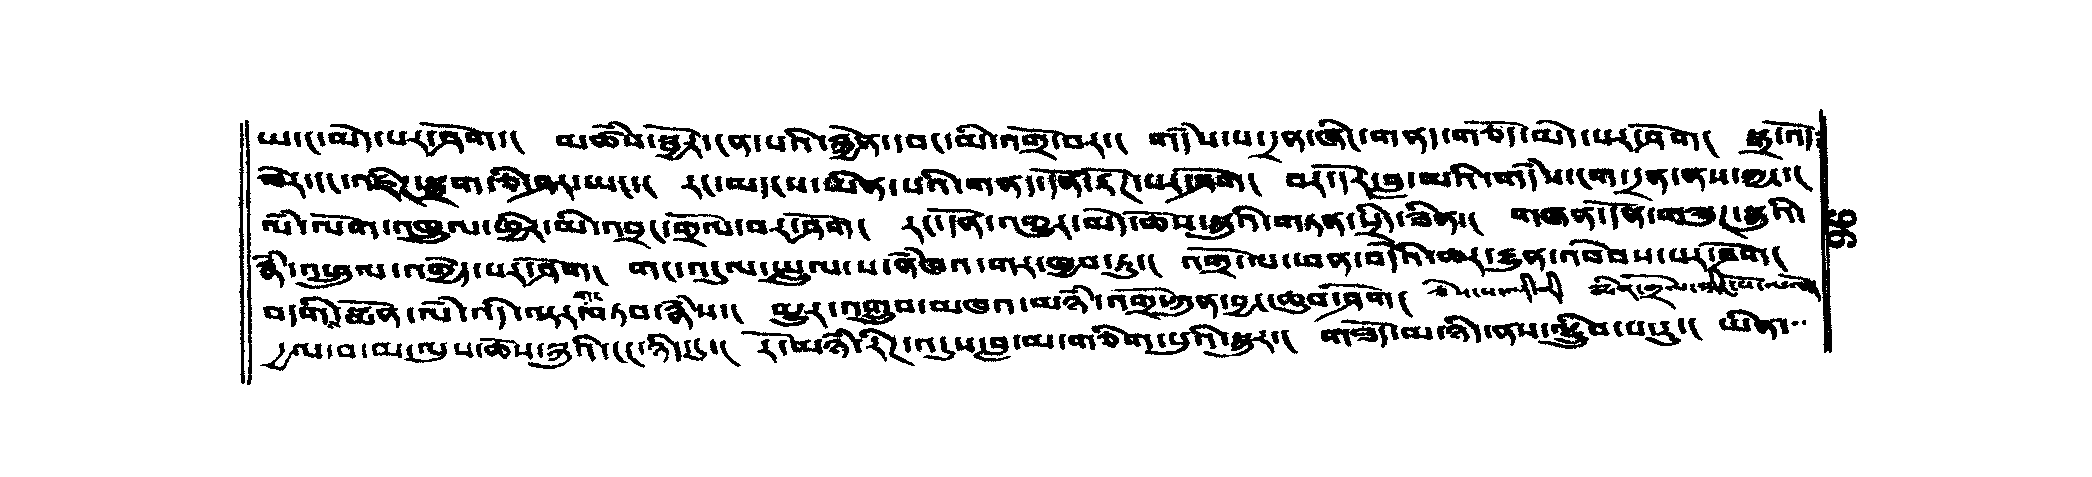ཡ་ང་མེད་པར་ཤོག །མཚམས་སྦྱོར་ངན་པའི་རྐྱེན་དབང་མི་འགྲོ་བར། །གདམས་པ་དྲན་ཞིང་གནད་གཅོད་མེད་པར་ཤོག །སྒྲ་འོད་
ཟེར་དང་འཇིགས་སྐྲག་ཅི་ཤར་ཡང་། །རང་མདངས་ཡིན་པའི་གནད་དོན་རྟོགས་པར་ཤོག །བར་དོར་བླ་མའི་གདམས་ངག་དྲན་ནས་ཀྱང་། །
ལམ་ལོག་འཁྲུལ་ཕྱིར་མི་འབྲང་གྲོལ་བར་ཤོག །རང་དོན་འགྱུར་མེད་ཆོས་སྐུའི་གཏན་སྲིད་ཟིན། །གཞན་དོན་གཟུགས་སྐུའི་
རྣམ་འཕྲུལ་འགྱེད་པར་ཤོག །གང་འདུལ་སྤྲུལ་པ་ནམ་མཁའ་གར་ཁྱབ་ཏུ། །འགྲོ་ལ་ཕན་བདེའི་ཆར་རྒྱུན་འབེབས་པར་ཤོག །
བདག་གིས་སྨོན་ལམ་འདི་ལྟར་གང་བཏབ་རྣམས། །མྱུར་འགྲུབ་མཁའ་མཉམ་འགྲོ་ཀུན་བྱང་ཆུབ་ཤོག། ཅེས་པ་འདི་ནི་སྨིན་གྲོལ་སྙིང་པོ་ལའོ།། 
རྒྱལ་བ་མ་ལུས་ཆོས་སྐུའི་ངང་ཉིད་དུ། །རོ་མཉམ་རིགས་འདུས་བླ་མ་གཅིག་པུའི་སྐུར། །གཟོད་མ་ཉིད་ནས་ལྷུན་གྱིས་གྲུབ་པར་རུ། །ཡིན་